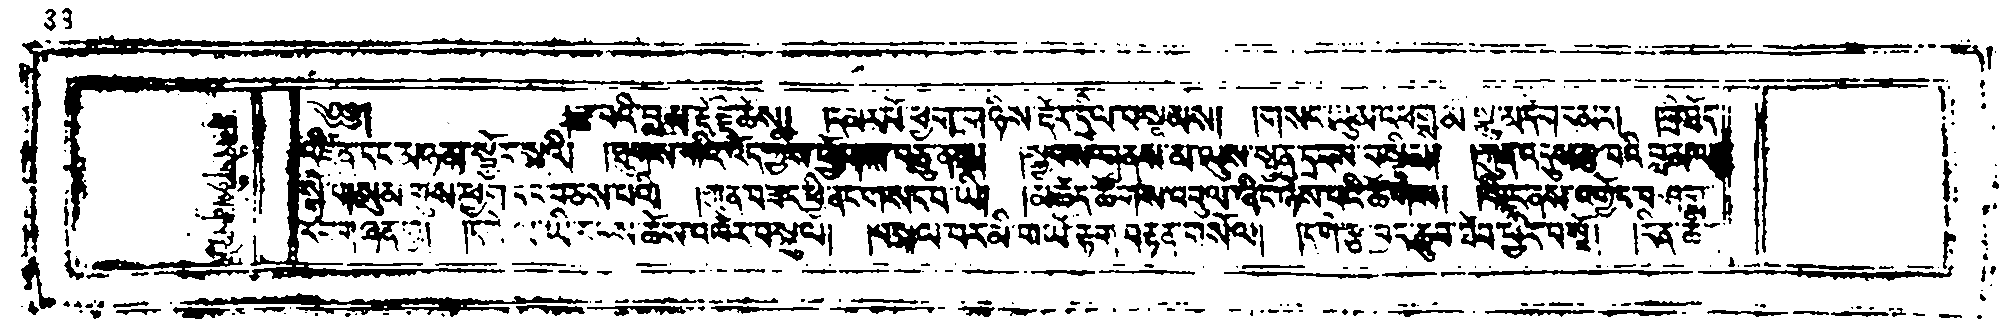༄༅། །རྩ་བའི་བླ་མ་རྡོ་རྗེ་ཆོས། །དམར་པོ་ཕྱག་གཉིས་རྡོར་དྲིལ་བསྣམས། །གསང་ཡུམ་འཕགས་མོ་སྐུ་མདོག་དམར། །གྲི་ཐོད་
འཛིན་དང་མཉམ་སྦྱོར་སྐུའི། །ཐུགས་ཀའི་འོད་ཀྱིས་ཕྱོགས་བཅུ་ནས། །སྐྱབས་གནས་མ་ལུས་སྤྱན་དྲངས་བསྟིམ། །ཀུན་འདུས་རྩ་བའི་བླ་མ་ལ། །
སྒོ་གསུམ་གུས་ཕྱག་དང་བཅས་པའི། །ཀུན་བཟང་ཕྱི་ནང་གསང་བ་ཡི། །མཆོད་ཚོགས་འབུལ་ཞིང་ཉེས་པའི་ཚོགས། །སྙིང་ནས་འགྱོད་བཤགས་
རང་གཞན་གྱི། །དགེ་ལ་ཡི་རངས་ཆོས་འཁོར་བསྐུལ། །བསྐལ་བར་མི་གཡོ་རྟག་བརྟན་གསོལ། །དགེ་རྩ་བྱང་ཆུབ་ཐོབ་ཕྱིར་བསྔོ། །རིན་ཆེན་